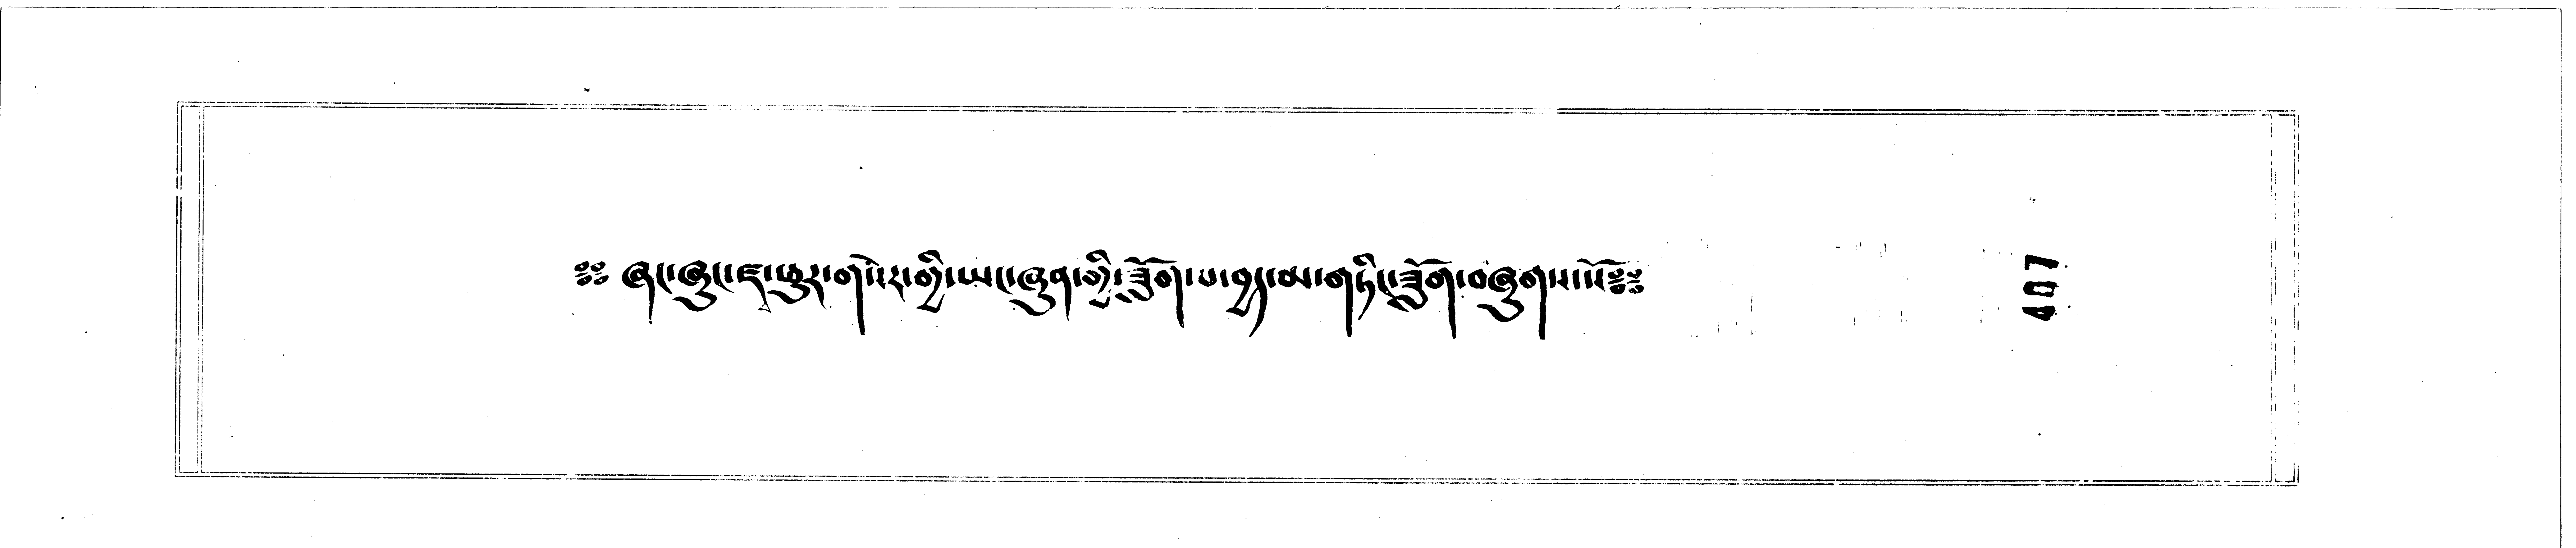༔༔ཞང་ཞུང་ཛྭ་ཕུར་གསེར་གྱི་ཡང་ཞུན་གྱི་ཟློག་པ་བྱད་མ་གཏིང་ཟློག་བཞུགས་སོ༔༔